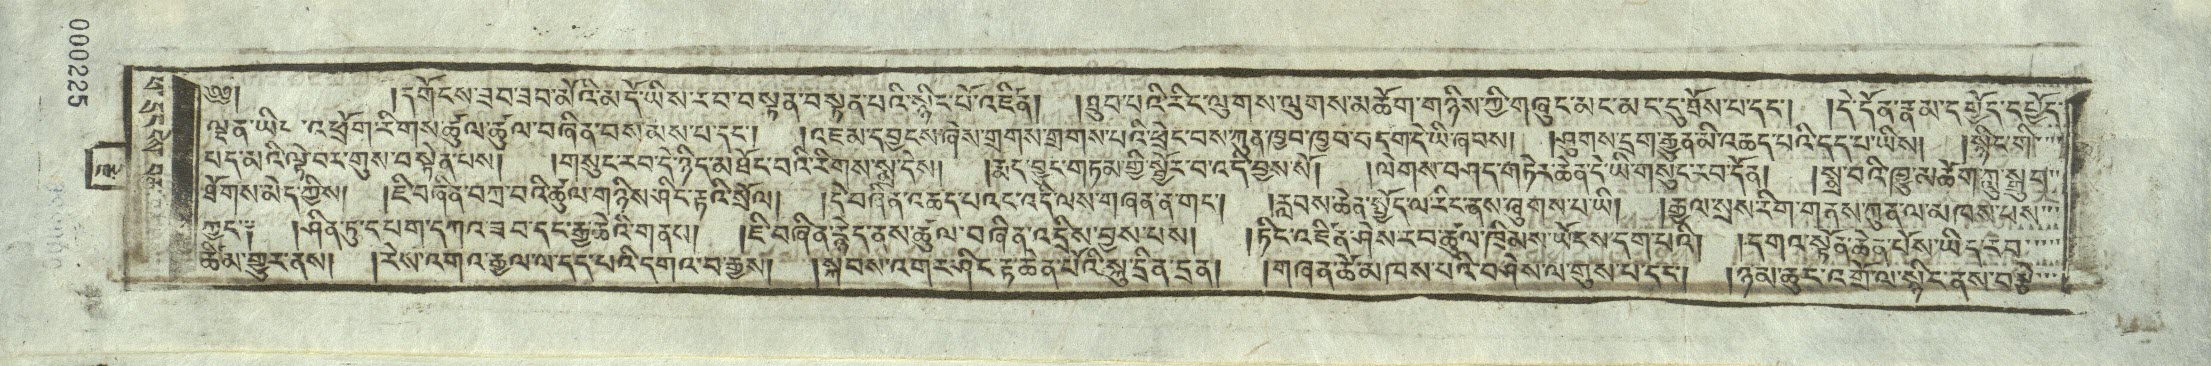༄༅། །དགོངས་ཟབ་ཟབ་མོའི་མདོ་ཡིས་རབ་བསྟན་བསྟན་པའི་སྙིང་པོ་འཛིན། །ཐུབ་པའི་རིང་ལུགས་ལུགས་མཆོག་གཉིས་ཀྱི་གཞུང་མང་མང་དུ་ཐོས་པ་དང་། །དེ་དོན་རྣམ་དཔྱོད་དབྱོད་ལྡན་ཡིད་འཕྲོག་རིགས་ཚུལ་ཚུལ་
བཞིན་བསམས་པ་དང་། །འཇམ་དབྱངས་ཞེས་གྲགས་གྲགས་པའི་ཕྲེང་བས་ཀུན་ཁྱབ་ཁྱབ་བདག་དེ་ཡི་ཞབས། །ཤུགས་དྲག་རྒྱུན་མི་འཆད་པའི་དད་པ་ཡིས། །སྙིང་གི་པད་མའི་ལྟེ་བར་གུས་བསྟེན་པས། །གསུང་རབ་དེ་ཉིད་མཐོང་བའི་
རིགས་སྨྲ་དེས། །རྨད་བྱུང་གཏམ་གྱི་སྦྱོར་བ་འདི་བྱས་སོ། །ལེགས་བཤད་གཏེར་ཆེན་དེ་ཡི་གསུང་རབ་དོན། །སྨྲ་བའི་ཁྱུ་མཆོག་ཀླུ་སྒྲུབ་ཐོགས་མེད་ཀྱིས། །ཇི་བཞིན་བཀྲལ་བའི་ཚུལ་གཉིས་ཤིང་རྟའི་སྲོལ། །དེ་བཞིན་འཆད་པའང་འདི་ལས་
གཞན་ན་གང་། །རླབས་ཆེན་སྤྱོད་ལ་རིང་ནས་ཞུགས་པ་ཡི། །རྒྱལ་སྲས་རིག་གནས་ཀུན་ལ་མཁས་པས་ཀྱང་། །ཤིན་ཏུ་དཔག་དཀའ་ཟླ་བ་དང་རྒྱ་ཆེའི་གནས། །ཇི་བཞིན་རྙེད་ནས་ཚུལ་བཞིན་འདྲིས་བྱས་པས། །ཏིང་འཛིན་ཤེས་
རབ་ཚུལ་ཁྲིམས་ཡོངས་དག་པའི། །དགའ་སྟོད་ཆེན་པོས་ཡིད་རབ་ཚིམ་གྱུར་ནས། །ངེས་འགའ་རྒྱལ་ལ་དད་པའི་དགའ་བ་རྒྱས། །སྐབས་འགར་ཤིང་རྟ་ཆེན་པོའི་སྐུ་དྲིན་དྲན། །གཞན་ཚེ་མཁས་པའི་བཤེས་ལ་གུས་པ་དང་། །ཉམ་
ཆུང་འགྲོ་ལ་སྙིང་ནས་བརྩེ་བ་དང་། །བསྟན་པ་རིན་ཆེན་རིང་དུ་གནས་འདོད་པ། །འདི་དག་ཕན་ཚུན་འགྲན་བཞིན་འཕེལ་བར་འགྱུར། །དེ་ཚེ་རིང་ནས་ཉམས་པའི་རྟོགས་དཀའི་གནས། །གང་གིས་བཙལ་བས་རྙེད་བའི་རིགས་པའི་ལམ། །